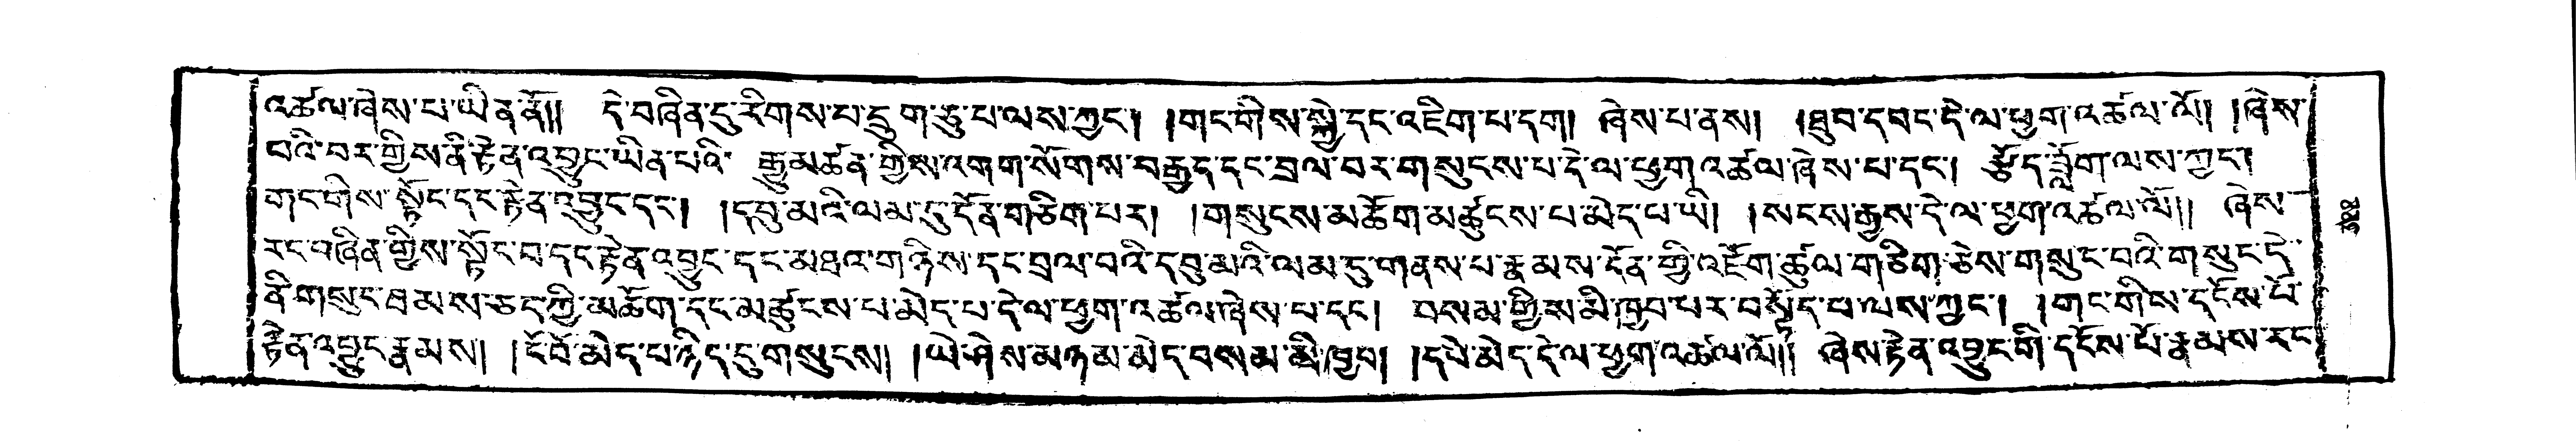འཚལ་ཞེས་པ་ཡིན་ནོ། །དེ་བཞིན་དུ་རིགས་པ་དྲུག་ཅུ་པ་ལས་ཀྱང་། །གང་གིས་སྐྱེ་དང་འཇིག་པ་དག །ཞེས་པ་ནས། །ཐུབ་དབང་དེ་ལ་ཕྱག་འཚལ་ལོ། །ཞེས་
པའི་བར་གྱིས་ནི་རྟེན་འབྱུང་ཡིན་པའི་རྒྱུ་མཚན་གྱིས་འགག་སོགས་བརྒྱད་དང་བྲལ་བར་གསུངས་པ་དེ་ལ་ཕྱག་འཚལ་ཞེས་པ་དང་། རྩོད་ཟློག་ལས་ཀྱང་།
གང་གིས་སྟོང་དང་རྟེན་འབྱུང་དང་། །དབུ་མའི་ལམ་དུ་དོན་གཅིག་པར། །གསུངས་མཆོག་མཚུངས་པ་མེད་པ་ཡི། །སངས་རྒྱས་དེ་ལ་ཕྱག་འཚལ་ལོ། །ཞེས་
རང་བཞིན་གྱིས་སྟོང་བ་དང་རྟེན་འབྱུང་དང་མཐའ་གཉིས་དང་བྲལ་བའི་དབུ་མའི་ལམ་དུ་གནས་པ་རྣམས་དོན་གྱི་འཇོག་ཚུལ་གཅིག་ཅེས་གསུང་བའི་གསུང་དེ་
ནི་གསུང་ཐམས་ཅད་ཀྱི་མཆོག་དང་མཚུངས་པ་མེད་པ་དེ་ལ་ཕྱག་འཚལ་ཞེས་པ་དང་། བསམ་གྱིས་མི་ཁྱབ་པར་བསྟོད་པ་ལས་ཀྱང་། །གང་གིས་དངོས་པོ་
རྟེན་འབྱུང་རྣམས། །ངོ་བོ་མེད་པ་ཉིད་དུ་གསུངས། །ཡེ་ཤེས་མཉམ་མེད་བསམ་མི་ཁྱབ། །དཔེ་མེད་དེ་ལ་ཕྱག་འཚལ་ལོ། །ཞེས་རྟེན་འབྱུང་གི་དངོས་པོ་རྣམས་རང་